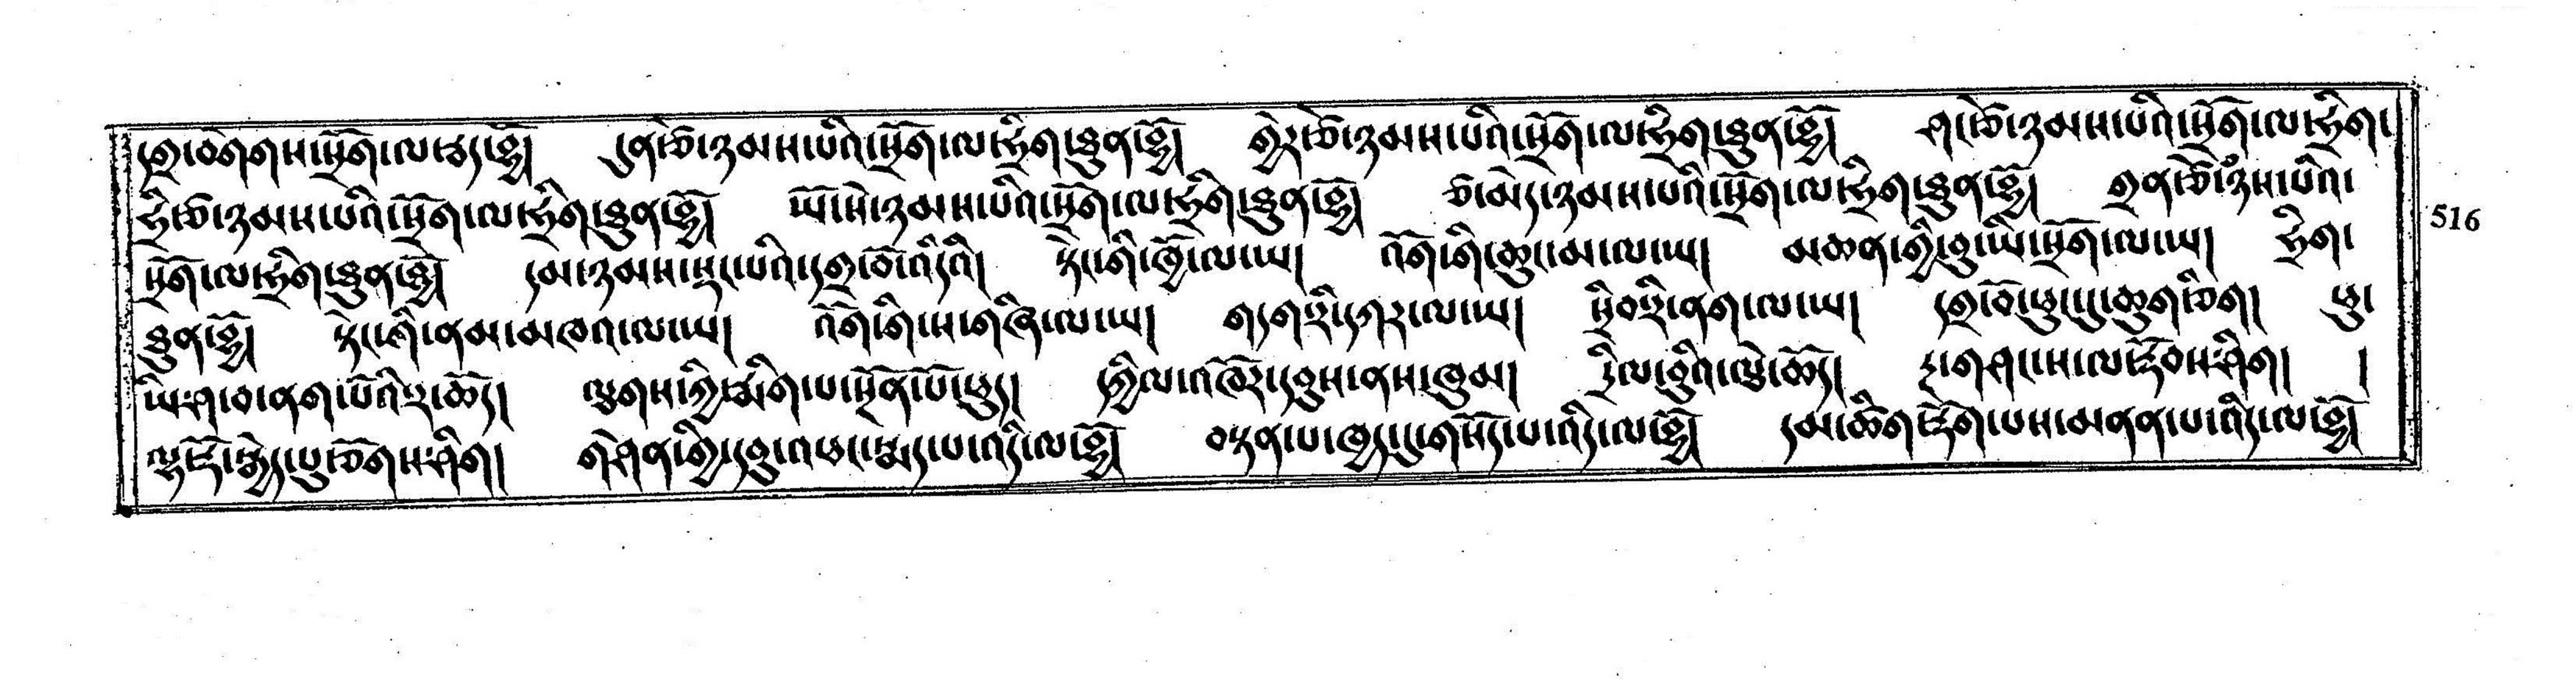དགྲ་བགེགས་སྲོག་ལ་རྦད་བྷྱོ། དུན་ཙེ་ཉམས་{531}པའི་སྲོག་ལ་ཧྲིག་ཐུན་བྷྱོ། གྱེར་ཙེ་ཉམས་པའི་སྲོག་ལ་ཧྲིག་ཐུན་བྷྱོ། ཤང་ཙེ་ཉམས་པའི་སྲོག་ལ་ཧྲིག་
ཧྲི་ཙ་ཉམས་པའི་སྲོག་ལ་ཧྲིག་ཐུན་བྷྱོ། ཡོ་སེ་ཉམས་པའི་སྲོག་ལ་ཧྲིག་ཐུན་བྷྱོ། ཙ་མེད་ཉམས་པའི་སྲོག་ལ་ཧྲིག་ཐུན་བྷྱོ། གྲན་ཙེ་ཉམས་པའི་
སྲོག་ལ་ཧྲིག་ཐུན་བྷྱོ། དམ་ཉམས་སྡང་པའི་དགྲ་བོ་འདིའི། སྟེང་གི་ཁྱོ་ལ་ཡ། འོག་གི་ཆུང་མ་ལ་ཡ། མཆན་གྱི་བུ་ཡི་སྲོག་ལ་ཡ། ཧྲིག་
ཐུན་བྷྱོ། སྟེང་གི་ནམ་མཁའ་ལ་ཡ། འོག་གི་ས་གཞི་ལ་ཡ། གདག་རི་དཀར་ལ་ཡ། སྲིབ་རི་ནག་ལ་ཡ། དགྲ་བོ་ཕུང་དུ་ཆུག་ཅིག ཕུ་
ཡི་ཤ་བ་ནག་པོའི་ར་ཆོད། ལྕགས་ཀྱི་རྨིག་པ་སྔོན་པོ་ཕུད། དཀྱིལ་འཁོར་དབུས་ནས་ཁུམ། དྲིལ་བུའི་ལྕེ་ཆོད། རྔ་གཤང་ས་ལ་རྡོབས་ཤིག། ། 
ལྷ་རྡོ་སྒྱེད་པུ་ཅོགས་ཤིག གཤེན་གྱི་དབུ་འཕང་སྨད་པ་འདི་ལ་བྷྱོ། བསྟན་པ་ཁྱད་{532}དུ་གསོད་པ་འདི་ལ་བྷྱོ། དམ་ཚིག་རྡོག་པས་མནན་པ་འདི་ལ་བྷྱོ།